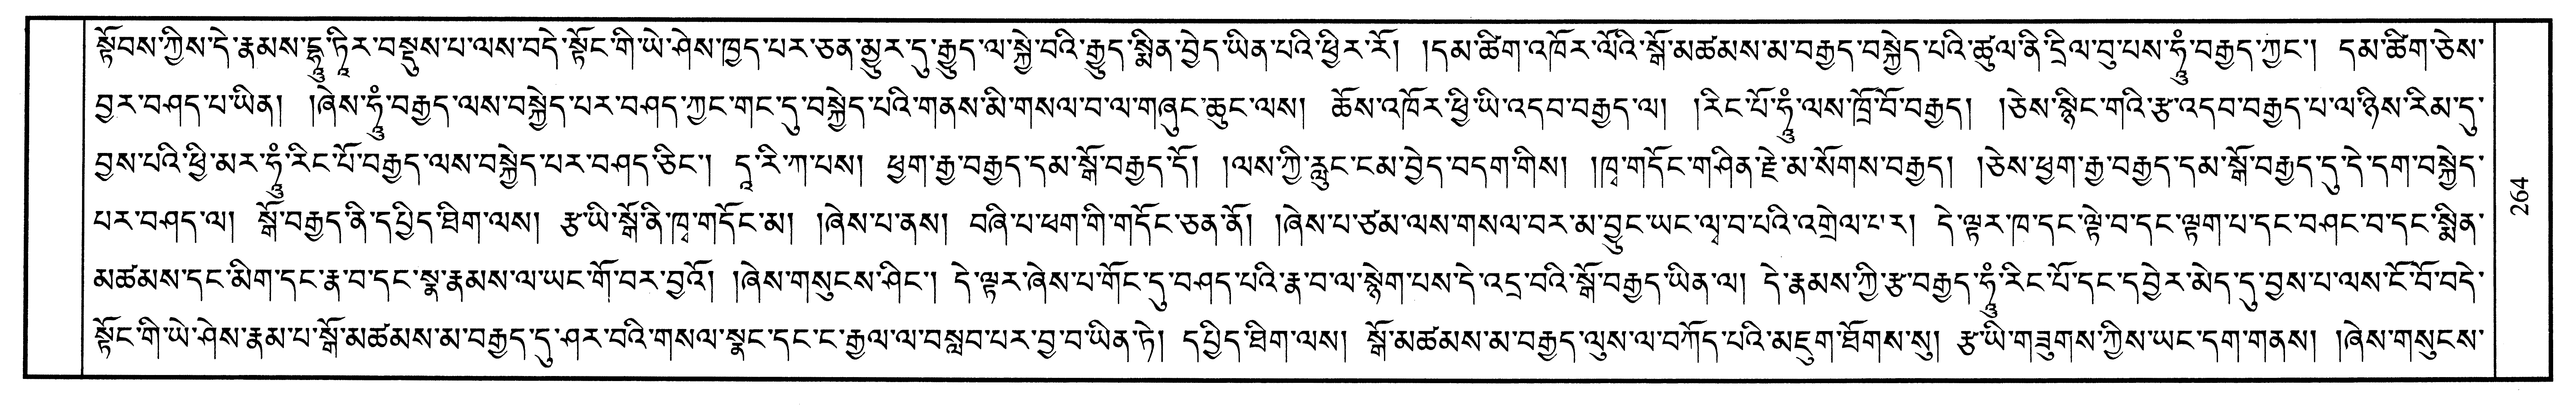སྟོབས་ཀྱིས་དེ་རྣམས་དྷཱུ་ཏཱིར་བསྡུས་པ་ལས་བདེ་སྟོང་གི་ཡེ་ཤེས་ཁྱད་པར་ཅན་མྱུར་དུ་རྒྱུད་ལ་སྐྱེ་བའི་རྒྱུད་སྨིན་བྱེད་ཡིན་པའི་ཕྱིར་རོ། །དམ་ཚིག་འཁོར་ལོའི་སྒོ་མཚམས་མ་བརྒྱད་བསྐྱེད་པའི་ཚུལ་ནི་དྲིལ་བུ་པས་ཧཱུཾ་བརྒྱད་ཀྱང་། དམ་ཚིག་ཅེས་
བྱར་བཤད་པ་ཡིན། །ཞེས་ཧཱུཾ་བརྒྱད་ལས་བསྐྱེད་པར་བཤད་ཀྱང་གང་དུ་བསྐྱེད་པའི་གནས་མི་གསལ་བ་ལ་གཞུང་ཆུང་ལས། ཆོས་འཁོར་ཕྱི་ཡི་འདབ་བརྒྱད་ལ། །རིང་པོ་ཧཱུཾ་ལས་ཁྲོ་བོ་བརྒྱད། །ཅེས་སྙིང་གའི་རྩ་འདབ་བརྒྱད་པ་ལ་ཉིས་རིམ་དུ་
བྱས་པའི་ཕྱི་མར་ཧཱུཾ་རིང་པོ་བརྒྱད་ལས་བསྐྱེད་པར་བཤད་ཅིང་། དཱ་རི་ཀ་པས། ཕྱག་རྒྱ་བརྒྱད་དམ་སྒོ་བརྒྱད་དོ། །ལས་ཀྱི་རླུང་ངམ་བྱེད་བདག་གིས། །ཁྭ་གདོང་གཤིན་རྗེ་མ་སོགས་བརྒྱད། །ཅེས་ཕྱག་རྒྱ་བརྒྱད་དམ་སྒོ་བརྒྱད་དུ་དེ་དག་བསྐྱེད་
པར་བཤད་ལ། སྒོ་བརྒྱད་ནི་དཔྱིད་ཐིག་ལས། རྩ་ཡི་སྒོ་ནི་ཁྭ་གདོང་མ། །ཞེས་པ་ནས། བཞི་པ་ཕག་གི་གདོང་ཅན་ནོ། །ཞེས་པ་ཙམ་ལས་གསལ་བར་མ་བྱུང་ཡང་ལྭ་བ་པའི་འགྲེལ་པར། དེ་ལྟར་ཁ་དང་ལྟེ་བ་དང་ལྟག་པ་དང་བཤང་བ་དང་སྨིན་
མཚམས་དང་མིག་དང་རྣ་བ་དང་སྣ་རྣམས་ལ་ཡང་གོ་བར་བྱའོ། །ཞེས་གསུངས་ཤིང་། དེ་ལྟར་ཞེས་པ་གོང་དུ་བཤད་པའི་རྣ་བ་ལ་སྙེག་པས་དེ་འདྲ་བའི་སྒོ་བརྒྱད་ཡིན་ལ། དེ་རྣམས་ཀྱི་རྩ་བརྒྱད་ཧཱུཾ་རིང་པོ་དང་དབྱེར་མེད་དུ་བྱས་པ་ལས་ངོ་བོ་བདེ་
སྟོང་གི་ཡེ་ཤེས་རྣམ་པ་སྒོ་མཚམས་མ་བརྒྱད་དུ་ཤར་བའི་གསལ་སྣང་དང་ང་རྒྱལ་ལ་བསླབ་པར་བྱ་བ་ཡིན་ཏེ། དཔྱིད་ཐིག་ལས། སྒོ་མཚམས་མ་བརྒྱད་ལུས་ལ་བཀོད་པའི་མཇུག་ཐོགས་སུ། རྩ་ཡི་གཟུགས་ཀྱིས་ཡང་དག་གནས། །ཞེས་གསུངས་